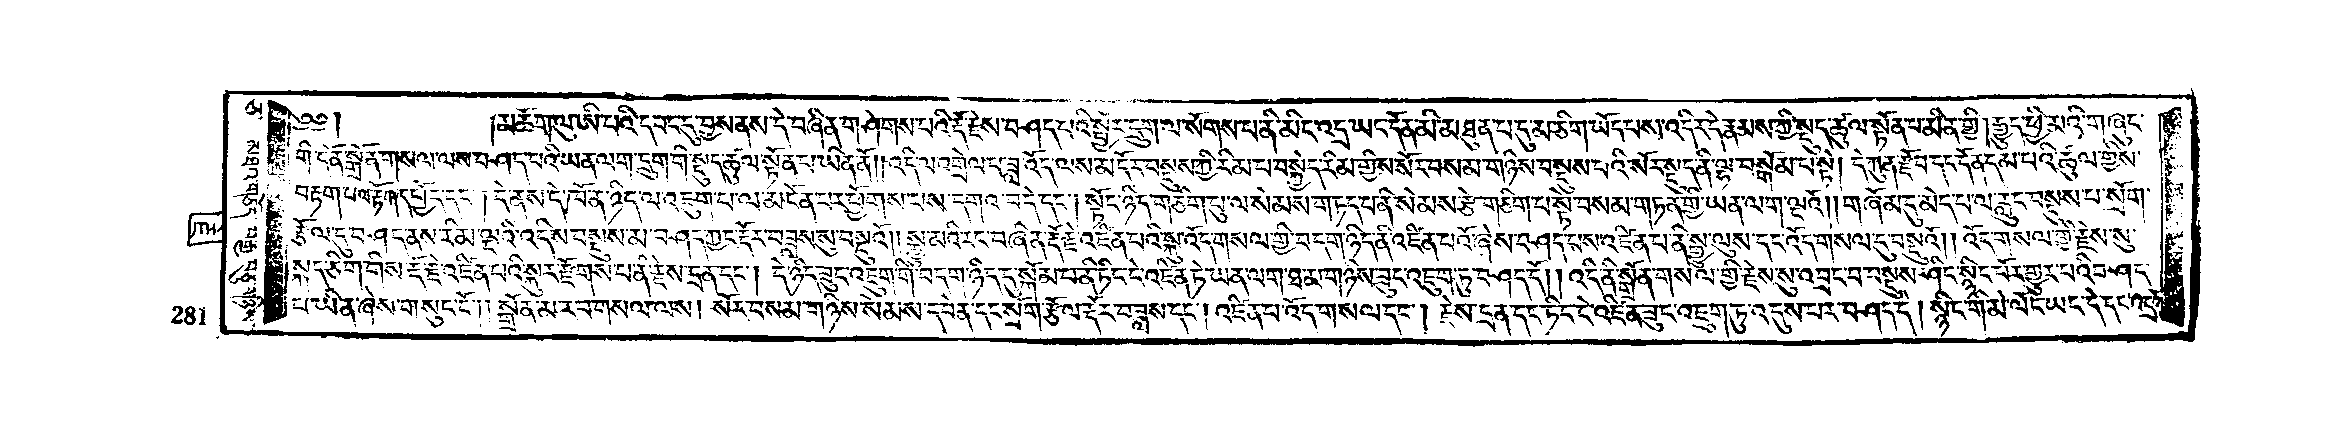༄༅། །མཆོག་ལུ་ཨི་པའི་དབང་དུ་བྱས་ནས་དེ་བཞིན་གཤེགས་པའི་རྡོ་རྗེས་བཤད་པའི་སྦྱོར་དྲུག་ལ་སོགས་པ་ནི་མིང་འདྲ་ཡང་དོན་མི་མཐུན་པ་དུ་མ་ཅིག་ཡོད་པས་འདིར་དེ་རྣམས་ཀྱི་སྡུད་ཚུལ་སྟོན་པ་མིན་གྱི། རྒྱུད་ཕྱི་མའི་གཞུང་
གི་དོན་སྒྲོན་གསལ་ལས་བཤད་པའི་ཡན་ལག་དྲུག་གི་སྡུད་ཚུལ་སྟོན་པ་ཡིན་ནོ། །འདི་ལ་འགྲེལ་པ་ཟླ་འོད་ལས་མདོར་བསྡུས་ཀྱི་རིམ་པ་བསྐྱེད་རིམ་གྱིས་སོར་བསམ་གཉིས་བསྡུས་པའི་སོར་སྡུད་ནི་ལྷ་བསྒོམ་པ་སྟེ། དེ་ཀུན་རྫོབ་དང་དོན་དམ་པའི་ཚུལ་གྱིས་
བརྟག་པ་ལ་རྟོག་དཔྱོད་དང་། དེ་ནས་དེ་ཁོ་ན་ཉིད་ལ་འཇུག་པ་ལ་མངོན་པར་ཕྱོགས་པས་དགའ་བདེ་དང་། སྟོང་ཉིད་གཅིག་པུ་ལ་སེམས་གཏད་པ་ནི་སེམས་རྩེ་གཅིག་པ་སྟེ་བསམ་གཏན་གྱི་ཡན་ལག་ལྔའོ། །གཞོམ་དུ་མེད་པ་ལ་རླུང་བསྡུས་པ་སྲོག་
རྩོལ་དུ་བཤད་ནས་རིམ་ལྔའི་འདིས་བསྡུས་མ་བཤད་ཀྱང་རྡོར་བཟླས་སུ་བསྡུའོ། །སྒྱུ་མའི་རང་བཞིན་རྡོ་རྗེ་འཛིན་པའི་སྐུ་འོད་གསལ་གྱི་བདག་ཉིད་ནི་མིན་?་ན་པའོ་ཞེས་བཤད་པས་འཛིན་པ་ནི་སྒྱུ་ལུས་དང་འོད་གསལ་དུ་བསྡུའོ། །འོད་གསལ་གྱི་རྗེས་སུ་
སྐད་ཅིག་གིས་རྡོ་རྗེ་འཛིན་པའི་སྐུར་རྫོགས་པ་ནི་རྗེས་དྲན་དང་། དེ་ཉིད་ཟུང་འཇུག་གི་བདག་ཉིད་དུ་སྒོམ་པ་ནི་ཏིང་ངེ་འཛིན་ཏེ་ཡན་ལག་ཐ་མ་གཉིས་ཟུང་འཇུག་ཏུ་བཤད་དོ། །འདི་ནི་སྒྲོན་གསལ་གྱི་རྗེས་སུ་འབྲང་བ་བསྡུས་ཤིང་སྙིང་པོར་གྱུར་པའི་བཤད་
པ་ཡིན་ཞེས་གསུང་ངོ། །སྒྲོན་མ་རབ་གསལ་ལས། སོར་བསམ་གཉིས་སེམས་དབེན་དང་སྲོག་རྩོལ་རྡོར་བཟླས་དང་། འཛིན་པ་འོད་གསལ་དང་། རྗེས་དྲན་དང་ཏིང་ངེ་འཛིན་ཟུང་འཇུག་ཏུ་འདུས་པར་བཤད་དེ། སྙིང་གི་མེ་ལོང་ཡང་དེ་དང་འདྲའོ་